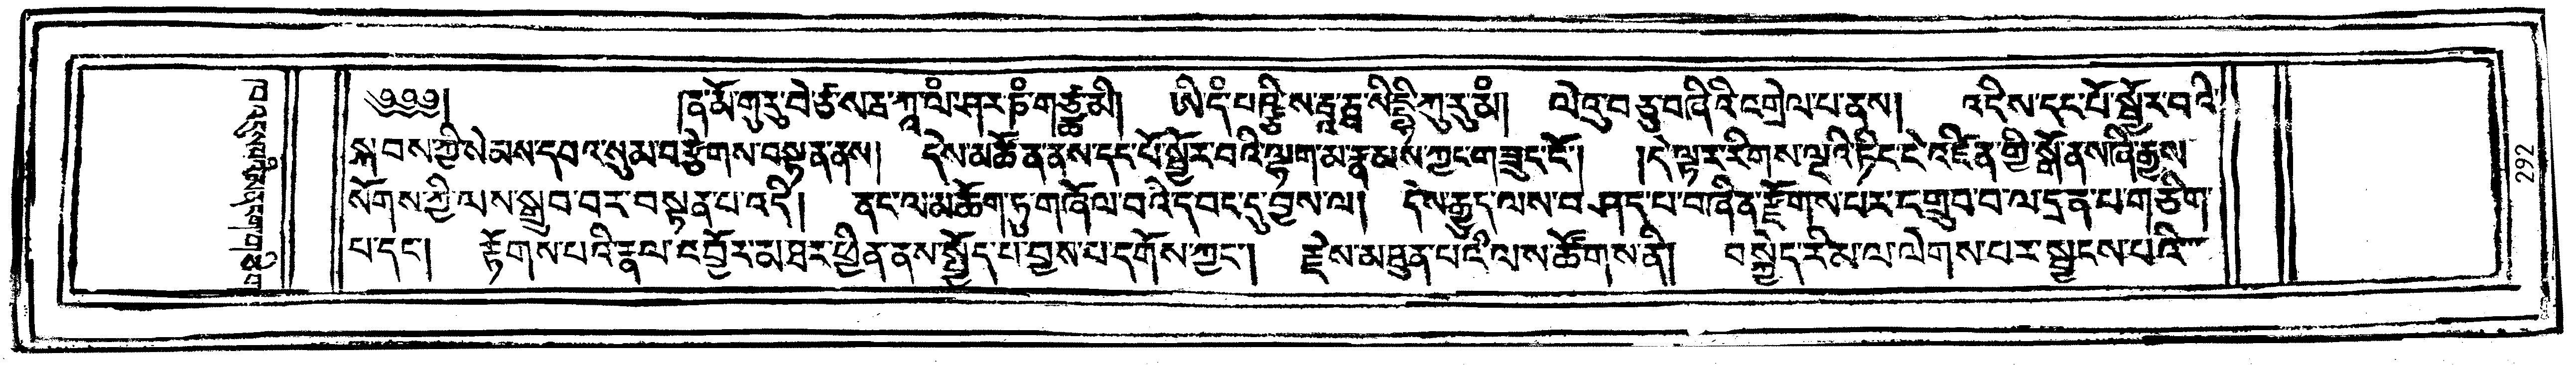༄༅༅། །ན་མོ་གུ་རུ་བེ་ཙ་སརྦ་ཀཱ་ལཾ་ཤར་ཎཾ་གཙྪ་མི། ཨི་དཾ་པཥྩི་སརྦཱ་རྠ་སིདྡྷི་ཀུ་རུ་མཾ། ལེའུ་བཅུ་བཞིའི་འགྲེལ་པ་ནས། འདིས་དང་པོ་སྦྱོར་བའི་
སྐབས་ཀྱི་སེམས་དཔའ་སུམ་བརྩེགས་བསྟན་ནས། དེས་མཚོན་ནས་དང་པོ་སྦྱོར་བའི་ལྷག་མ་རྣམས་ཀྱང་གཟུང་ངོ། །དེ་ལྟར་རིགས་ལྔའི་ཏིང་ངེ་འཛིན་གྱི་སྒོ་ནས་ཞི་རྒྱས་
སོགས་ཀྱི་ལས་སྒྲུབ་པར་བསྟན་པ་འདི། ནང་ལ་མཆོག་ཏུ་གཞོལ་བའི་དབང་དུ་བྱས་ལ། དེས་རྒྱུད་ལས་བཤད་པ་བཞིན་རྫོགས་པར་འགྲུབ་པ་ལ་དྲན་པ་གཅིག་
པ་དང་། རྟོགས་པའི་རྣལ་འབྱོར་མཐར་ཕྱིན་ནས་སྤྱོད་པ་བྱས་པ་དགོས་ཀྱང་། རྗེས་མཐུན་པའི་ལས་ཚོགས་ནི། བསྐྱེད་རིམ་ལ་ལེགས་པར་སྦྱངས་པའི་